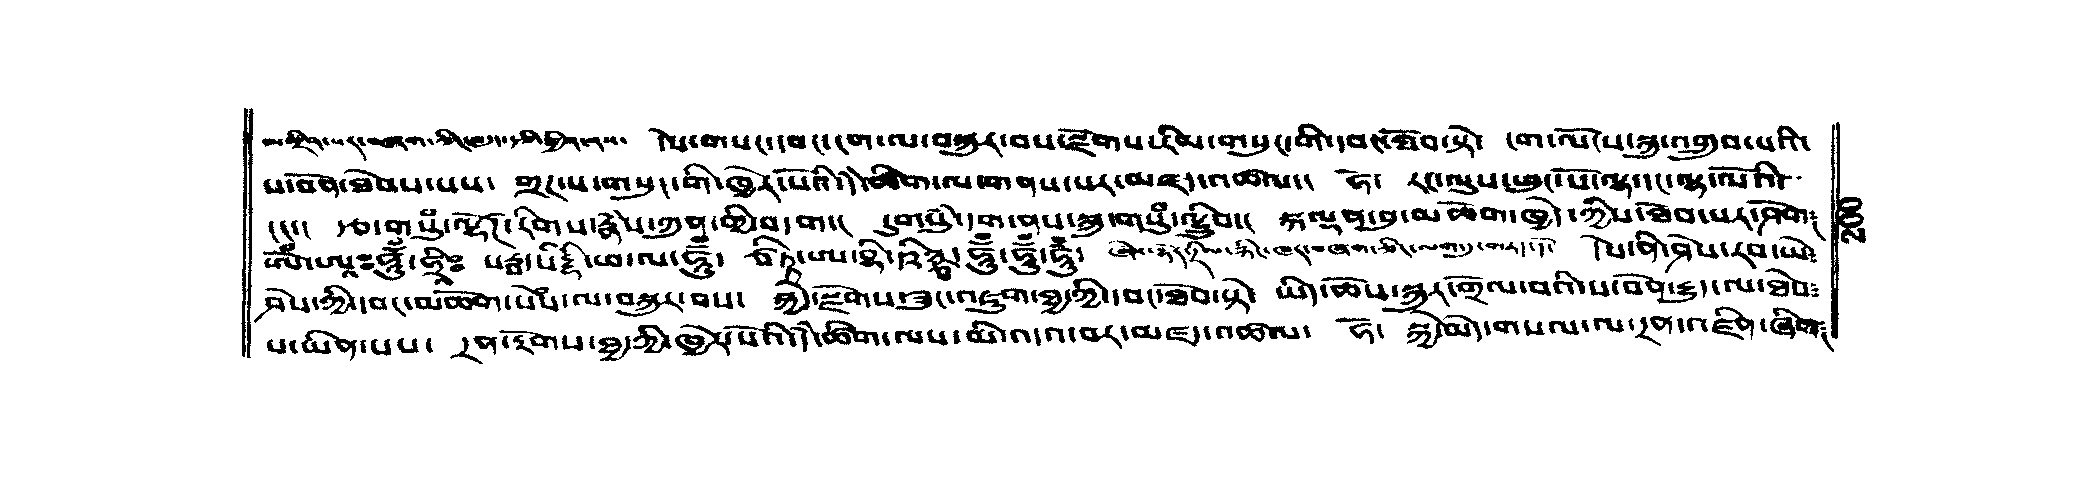མགྲིན་པར་བཞག་ཅིང་བདུད་རྩི་བྱིན་ནས། དེས་གསང་དབང་ངག་ལ་བསྐུར་བས་རྫོགས་རིམ་གསུང་གི་དབང་ཐོབ་སྟེ། ངག་ལོང་སྐུ་འགྲུབ་པའི་
ས་བོན་ཐེབས་པས། གྲགས་པ་གསུང་གི་ཁྱེར་པོའི་དམ་ཚིག་ལ་གནས་པར་མཛད་འཚལ། ཧོ། རང་ལུས་ཕུང་པོ་ལྷ་དང་ལྷ་མོའི་
ངང་། རྩ་གསུམ་ལྷ་ཚོགས་རིགས་རྣམས་ཀུན་གྱི་བདག དུག་གསུམ་དག་ནས་སྐུ་གསུམ་ལྷུན་གྱིས་གྲུབ། སྐལ་ལྡན་བུ་མཆོག་ཁྱེད་ཀྱིས་ཐོབ་པར་ཤོག
 ཨོཾ་ཨཱཿཧཱུྃ་ཧྲཱིཿ སརྦ་སིདྡྷི་ཕ་ལ་ཧཱུྃ། ཙིཏྟ་ཨ་བྷི་རིཉྩ་ཧཱུྃ་ཧཱུྃ་ཧཱུྃ། ཞེས་རྡོར་དྲིལ་སྙིང་ཁར་བཞག་ཅིང་ལག་ཏུ་གཏད་དོ། དེས་ནི་ཤེས་རབ་ཡེ་
ཤེས་ཀྱི་དབང་མཆོག་སེམས་ལ་བསྐུར་བས། སྐྱེད་རྫོགས་ཟུང་འཇུག་ཐུགས་ཀྱི་དབང་ཐོབ་སྟེ། ཡིད་ཆོས་སྐུར་གྲོལ་བའི་ས་བོན་རྒྱུད་ལ་ཐེབ་
པ་ཡིན་པས། དྲན་རྟོགས་ཐུགས་ཀྱི་ཁྱེར་སོའི་དམ་ཚིག་ལས་མི་འདའ་བར་མཛད་འཚལ། ཧོ། སྐྱེ་མེད་གསལ་ལ་དྲན་འཛིན་ཞིག